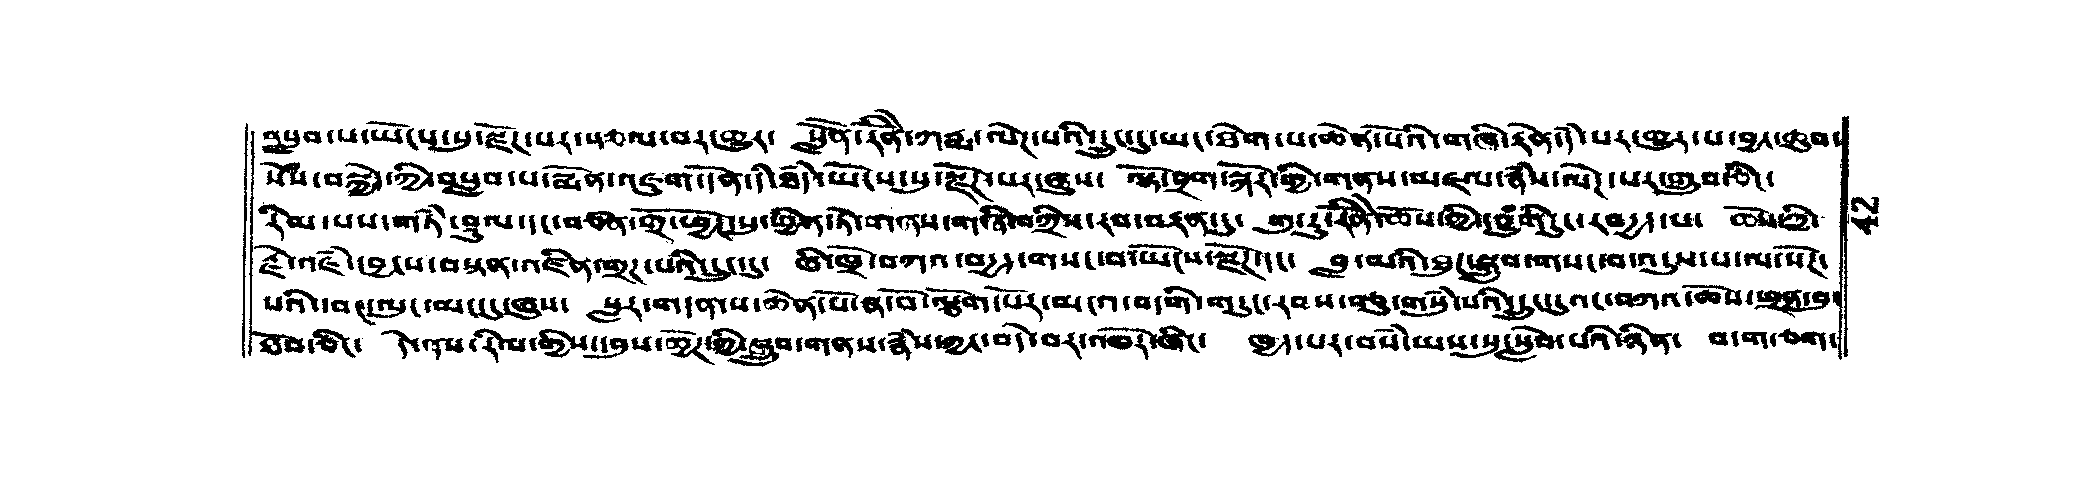བསླབ་པ་ཡོངས་སུ་རྫོགས་པར་སྩལ་བར་གྱུར། སློབ་དཔོན་རིན་པོ་ཆེ་ཀརྨ་ལེགས་པའི་དྲུང་དུ་ཡང་ཐེག་པ་ཆེན་པོའི་གཞི་རྟེན་དམ་པར་གྱུར་པ་བྱང་ཆུབ་
སེམས་བསྐྱེད་ཀྱི་བསླབ་པ་སྨོན་འཇུག་དོན་དམ་ཐམས་ཅད་ཡོངས་སུ་རྫོགས་པར་ཞུས། ལྷོ་བྲག་སྐོར་གྱི་གནས་མཇལ་རྣམས་ལེགས་པར་གྲུབ་ཅིང་། 
རིམ་པས་གཏམ་ཤུལ་དང་བཙན་གྲོ་ཕྱོགས་སུ་ཕྱིན་ཏེ་གནས་གཞི་བཀྲ་ཤིས་རབ་བརྟན་དུ། གུ་རུ་རིན་པོ་ཆེ་ཆོས་ཀྱི་དབང་ཕྱུག་གི་གདུང་རབ་བརྒྱད་པ། ཆོས་ཀྱི་
རྗེ་འཇམ་དབྱངས་བསྟན་འཛིན་གྲགས་པའི་དྲུང་དུ། ཞི་ཁྲོ་བཀའ་བརྒྱད་གསང་བ་ཡོངས་རྫོགས་དང་། བླ་མའི་ཐུགས་སྒྲུབ་གསང་བ་འདུས་པ་ལ་སོགས་
པའི་དབང་ལུང་མང་དུ་ཞུས། སླར་གདན་ས་ཆེན་པོ་སྣ་བོ་ལྕོག་པོར་མངའ་བདག་གི་གདུང་རབས་བཅུ་གསུམ་པའི་དྲུང་དུའང་བཀའ་ཆོས་ཕྲན་བུ་
ཐོབ་ཅིང་། དེ་ནས་རིམ་གྱིས་དབུས་ཕྱོགས་ཀྱི་སྒྲུབ་གནས་རྣམས་ཀྱང་བདེ་བར་འཁོར་ཞིང་།ཁྱད་པར་བསམ་ཡས་སུ་སླེབ་པའི་ཉིན། བདག་ཅག་